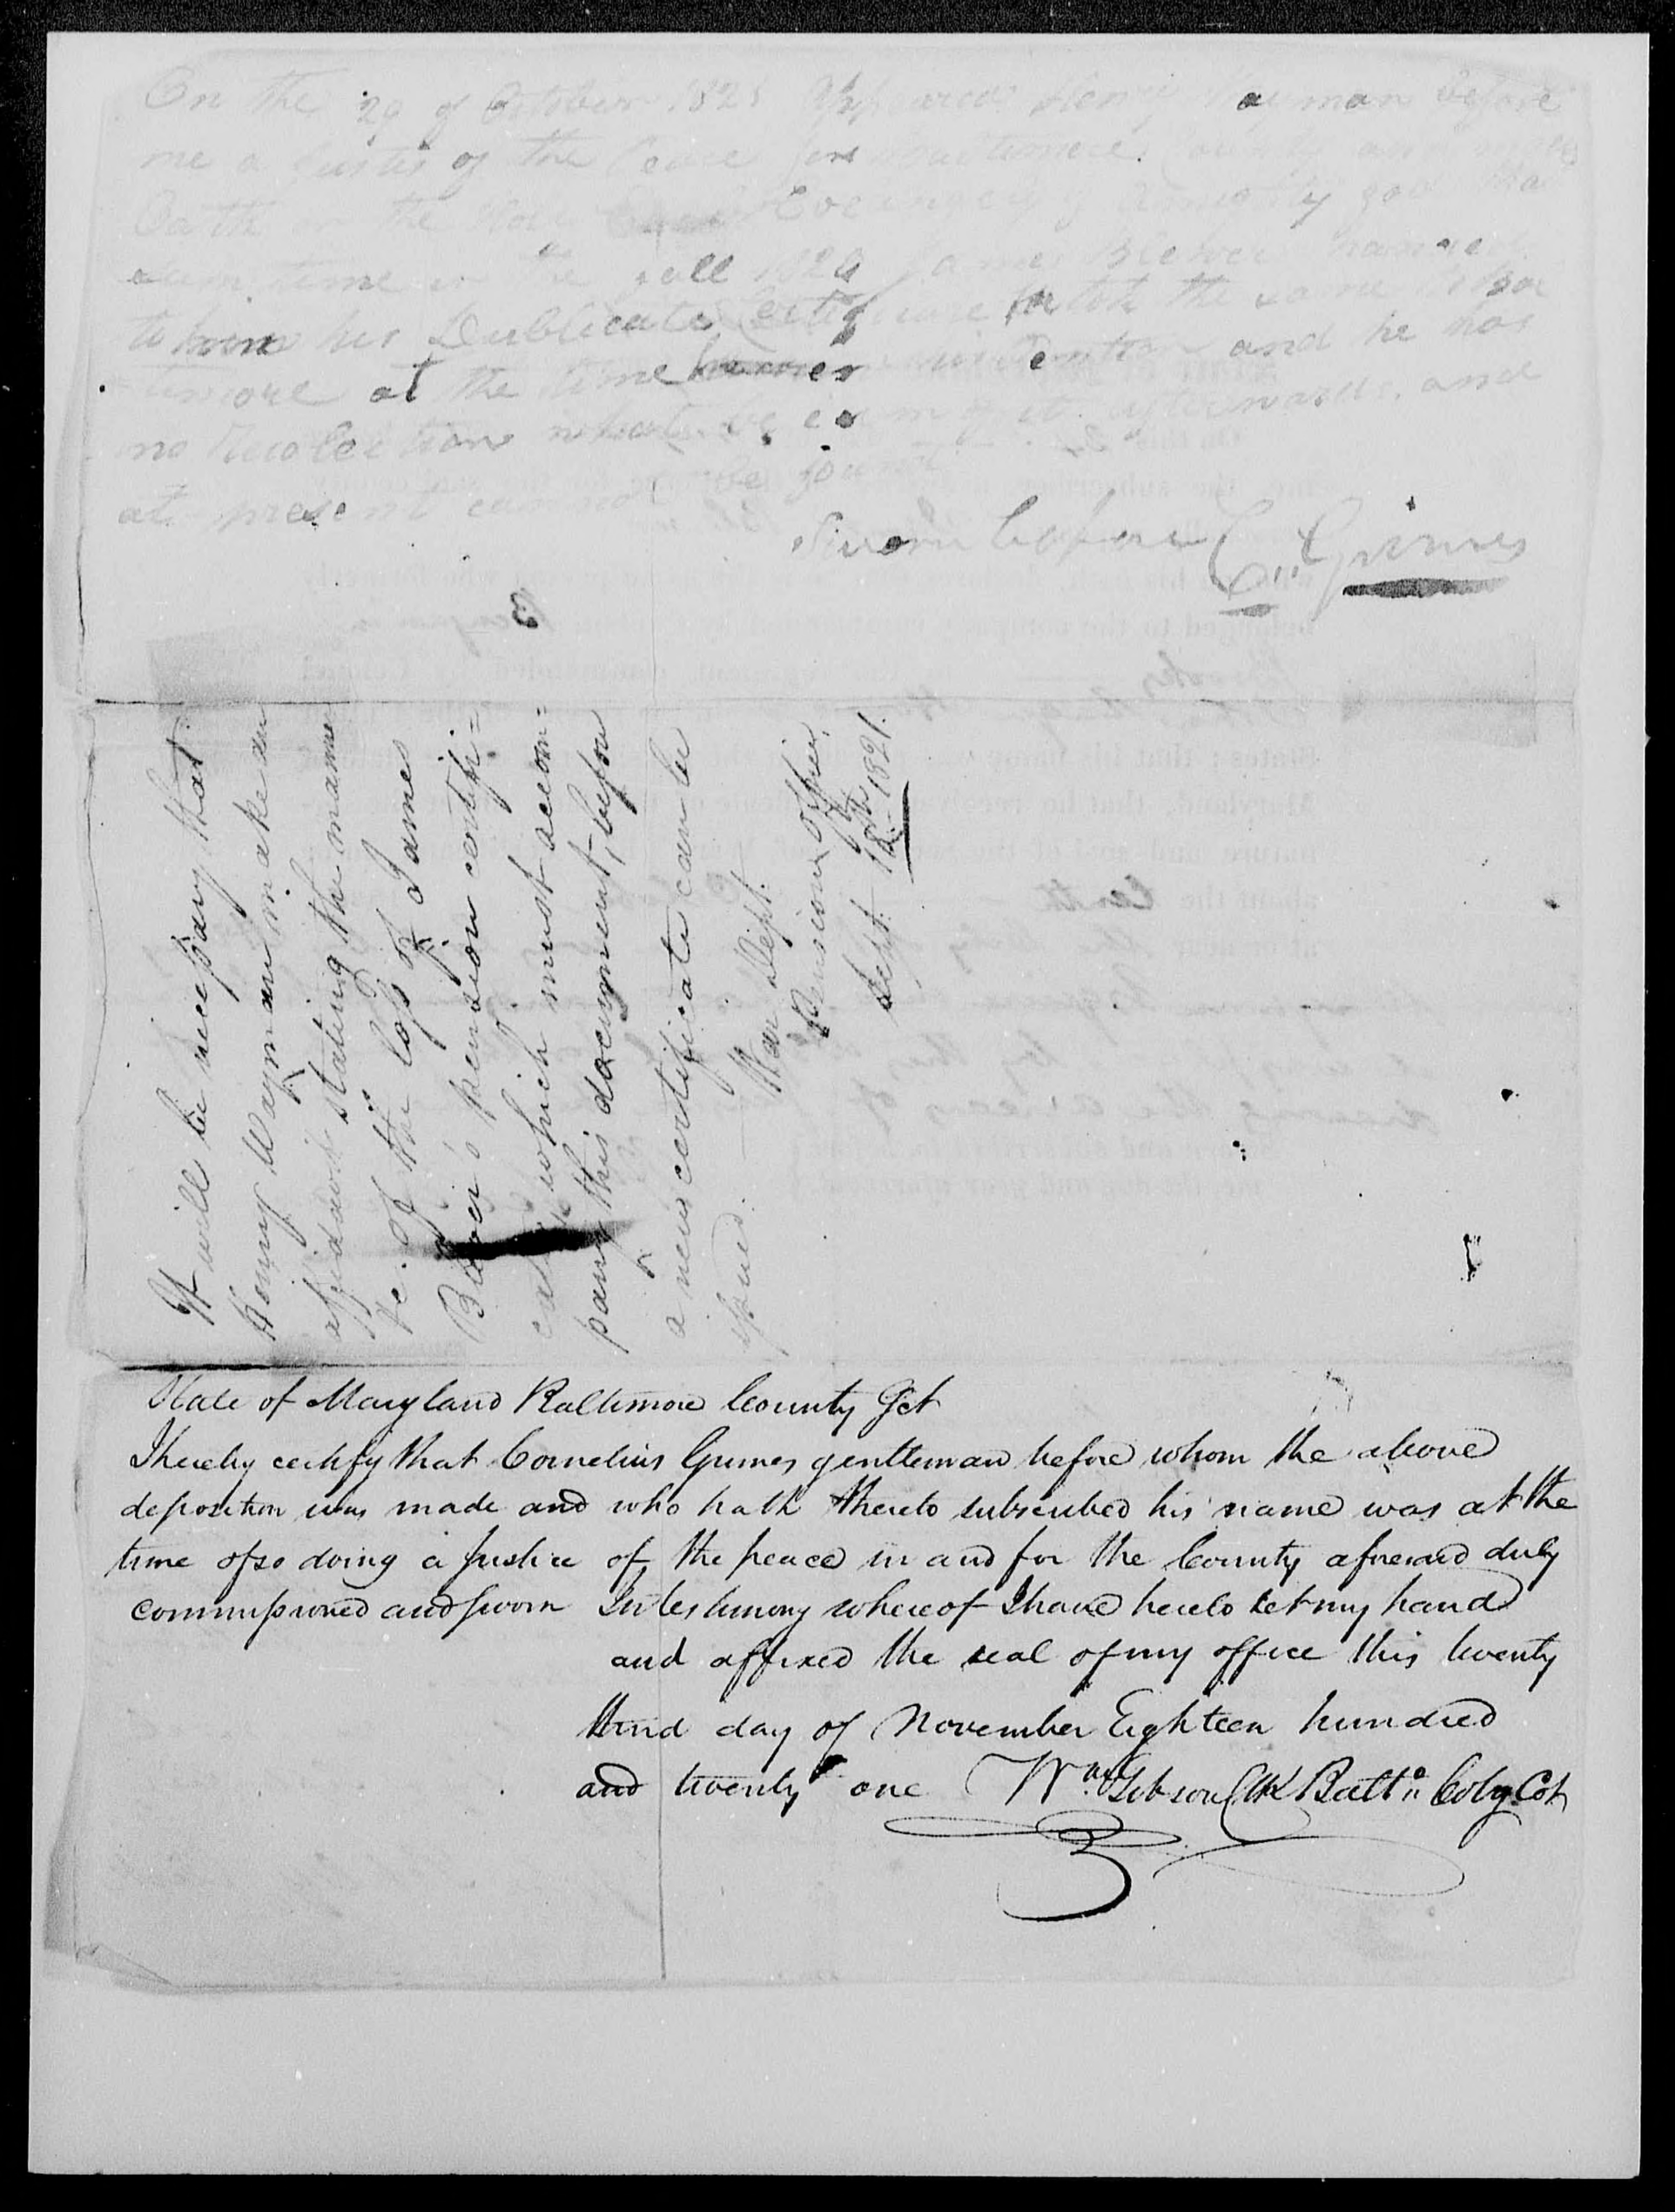[The following appears to be written on the back of James Blewer's appeal to the War Department, page 7 of this folio]

On the 23 of October 1821 Appeared Henry Wayman before me a Justice of the Peace for Baltimore County [faded] Oath on the Holy [smudged] of Almighty God that some time in the fall 1820 James Blewer handed[?] to him his dublicate[?] certificate. He [?] the same  [?] at the time [?] and he has no recollection what became of it afterward, and at present cannot be found.
Sworn before C. Gumes

It will be necessary that Henry Wayman make an affidavit stating the manner of the loss of James Blewer's [blotted] pension certificate which must accompany this document, before a new certificate can be issued
War Dept
Pensioner Office
Sept. 18th 1821 

State of Maryland Baltimore County Set.
I hereby certify that Cornelius Gumes gentleman before whom the above deposition was made and who hath thereto subscribed his name was at the time of so doing a Justice of the Peace in and for the County aforesaid duly commissioned and sworn. In testimony whereof I have hereto set my hand and affixed the seal of my office this twenty third day of November eighteen hundred and twenty one Wm [William] Gibson Clerk Balt. City Cor.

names: Batto Colg, Cornelius Greene, Henry Wayman, James Blever, Wm Gibson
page: 8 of 30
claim: survivor's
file: S. 10093, James Blewer, Md.